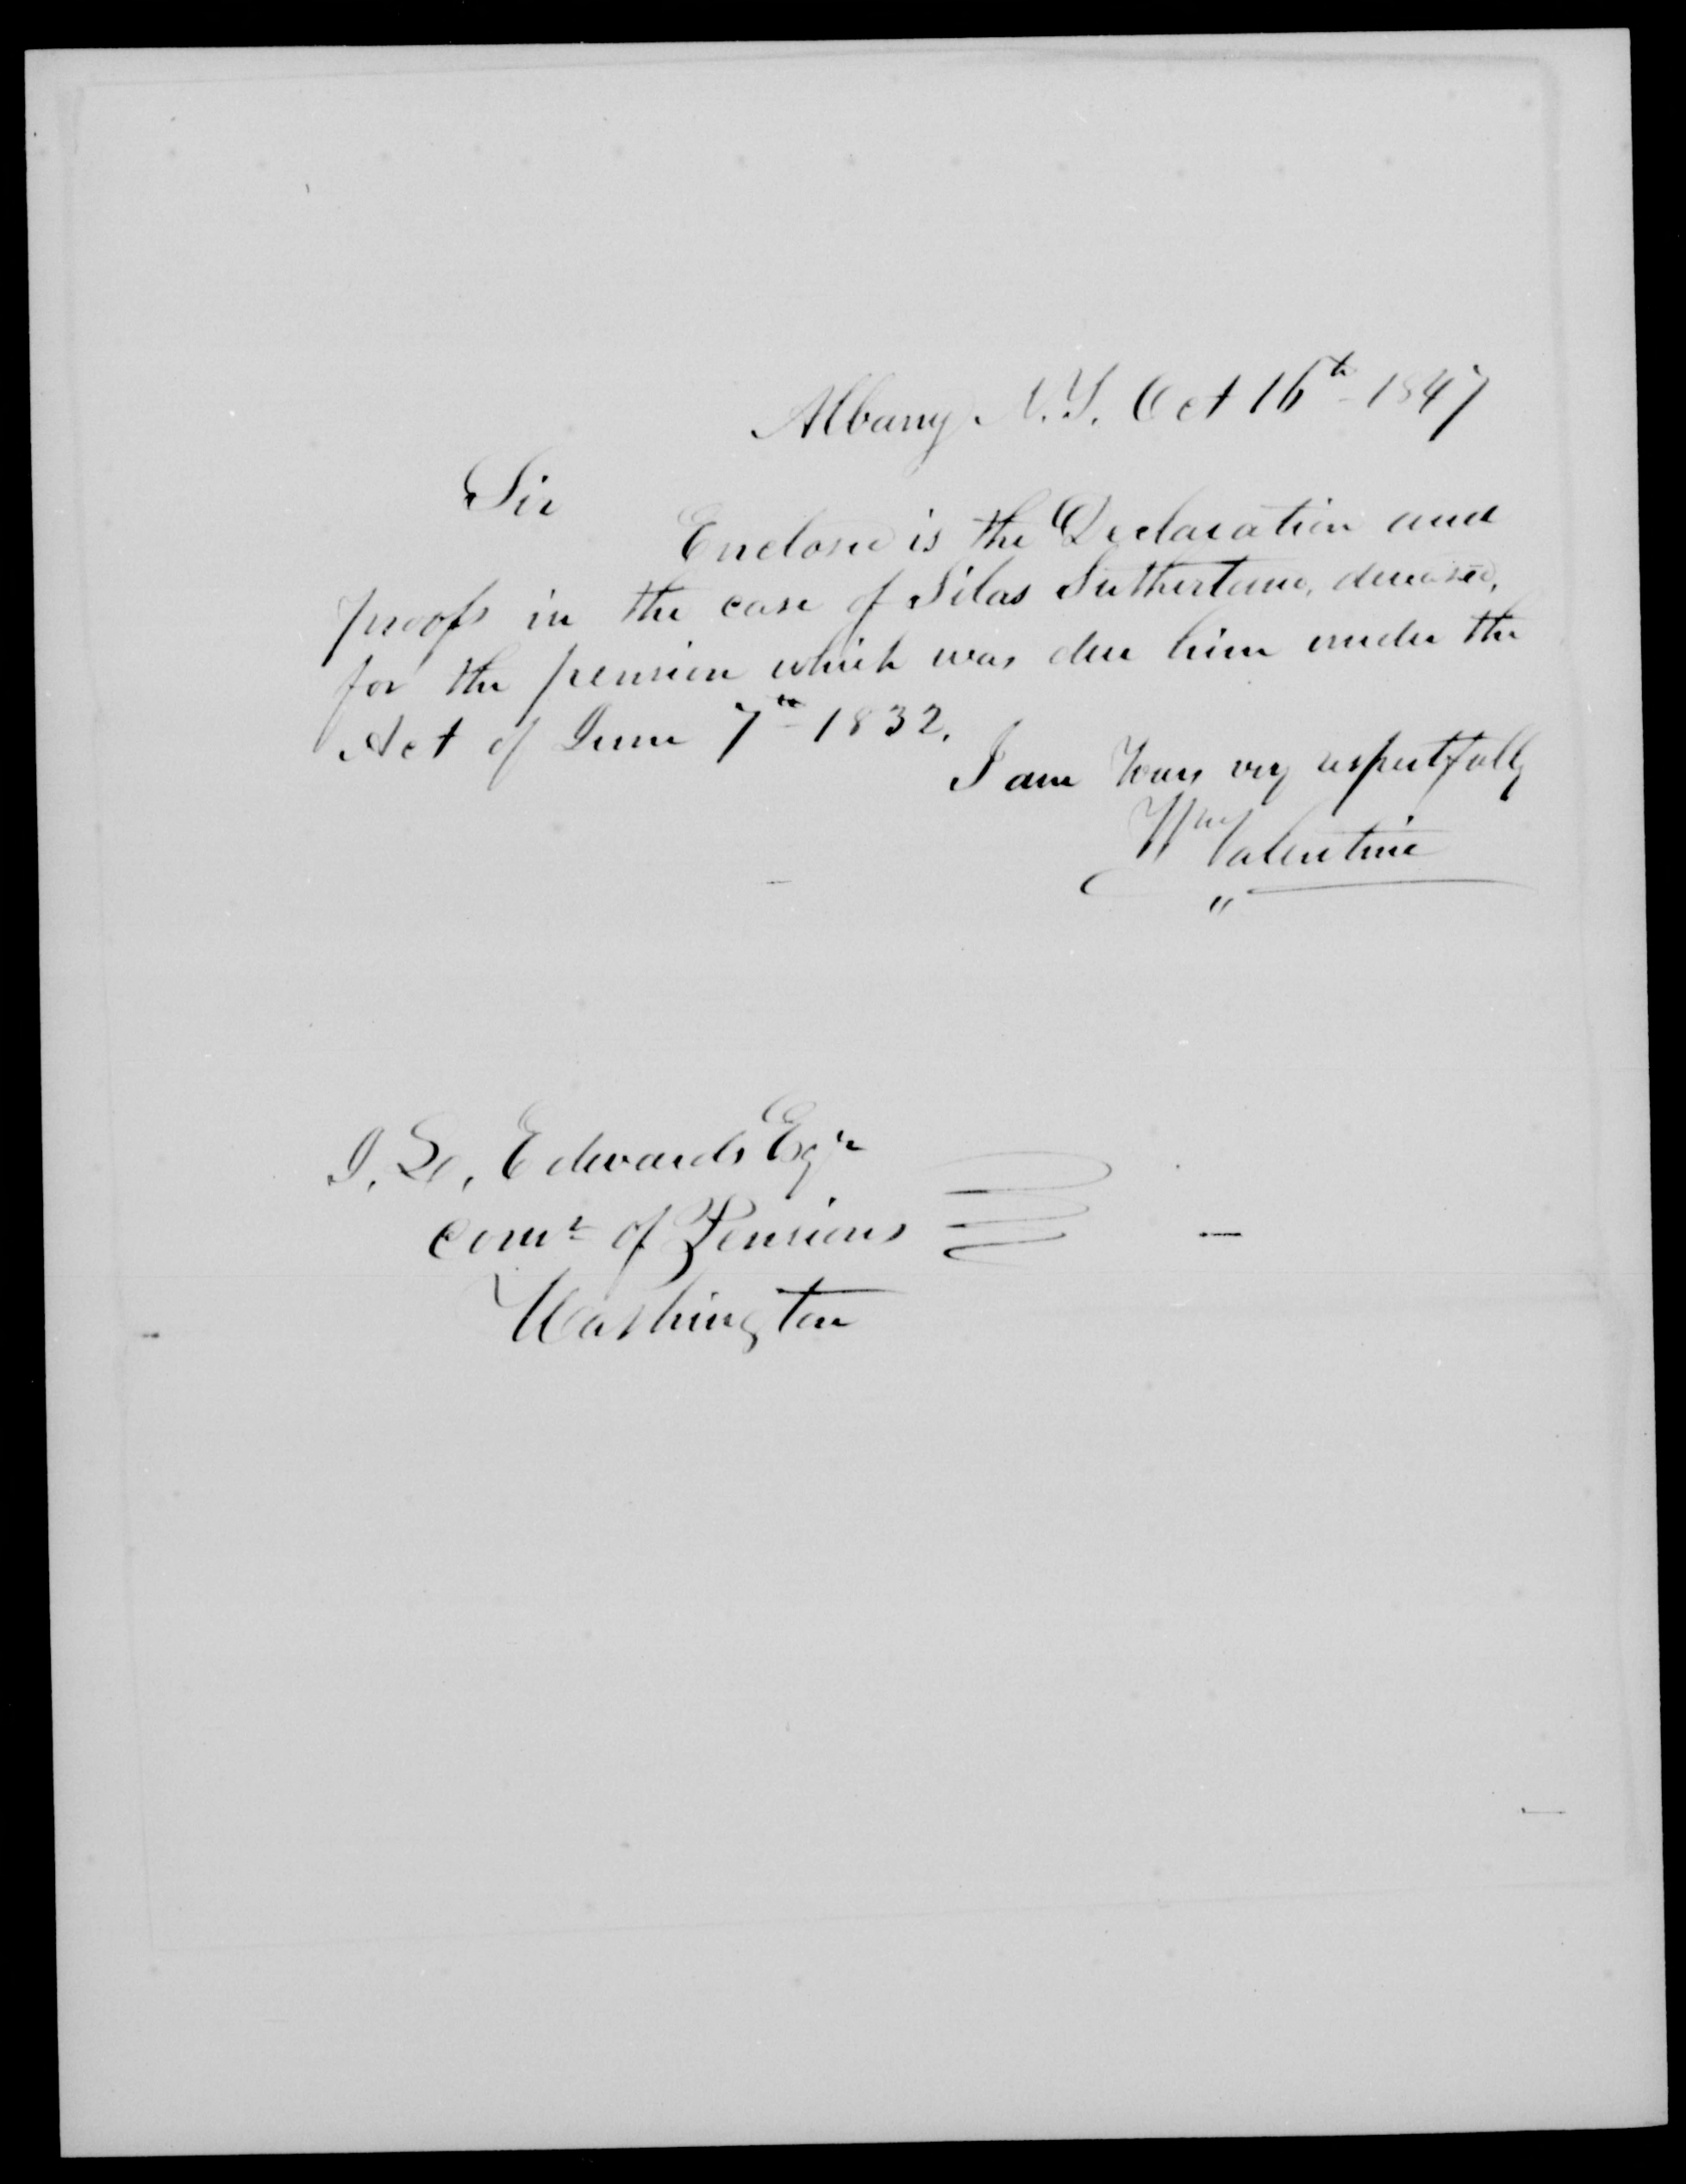Albany N.Y. Oct 16th 1847

Sir
  Enclosed is the Declaration and proofs in the case of Silas Sutherland deceased, for the pension which  was due him under the Act of June 7th 1832.
  I am Yours very respectfully
  Wm Valentine

J.L. Edwards Esqr
Comr of Pensions
Washington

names: J L Edwards; Wm Valentine; Silas Sutherland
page: 74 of 77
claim: survivor's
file: S. 23003, for Silas Southerland, New York